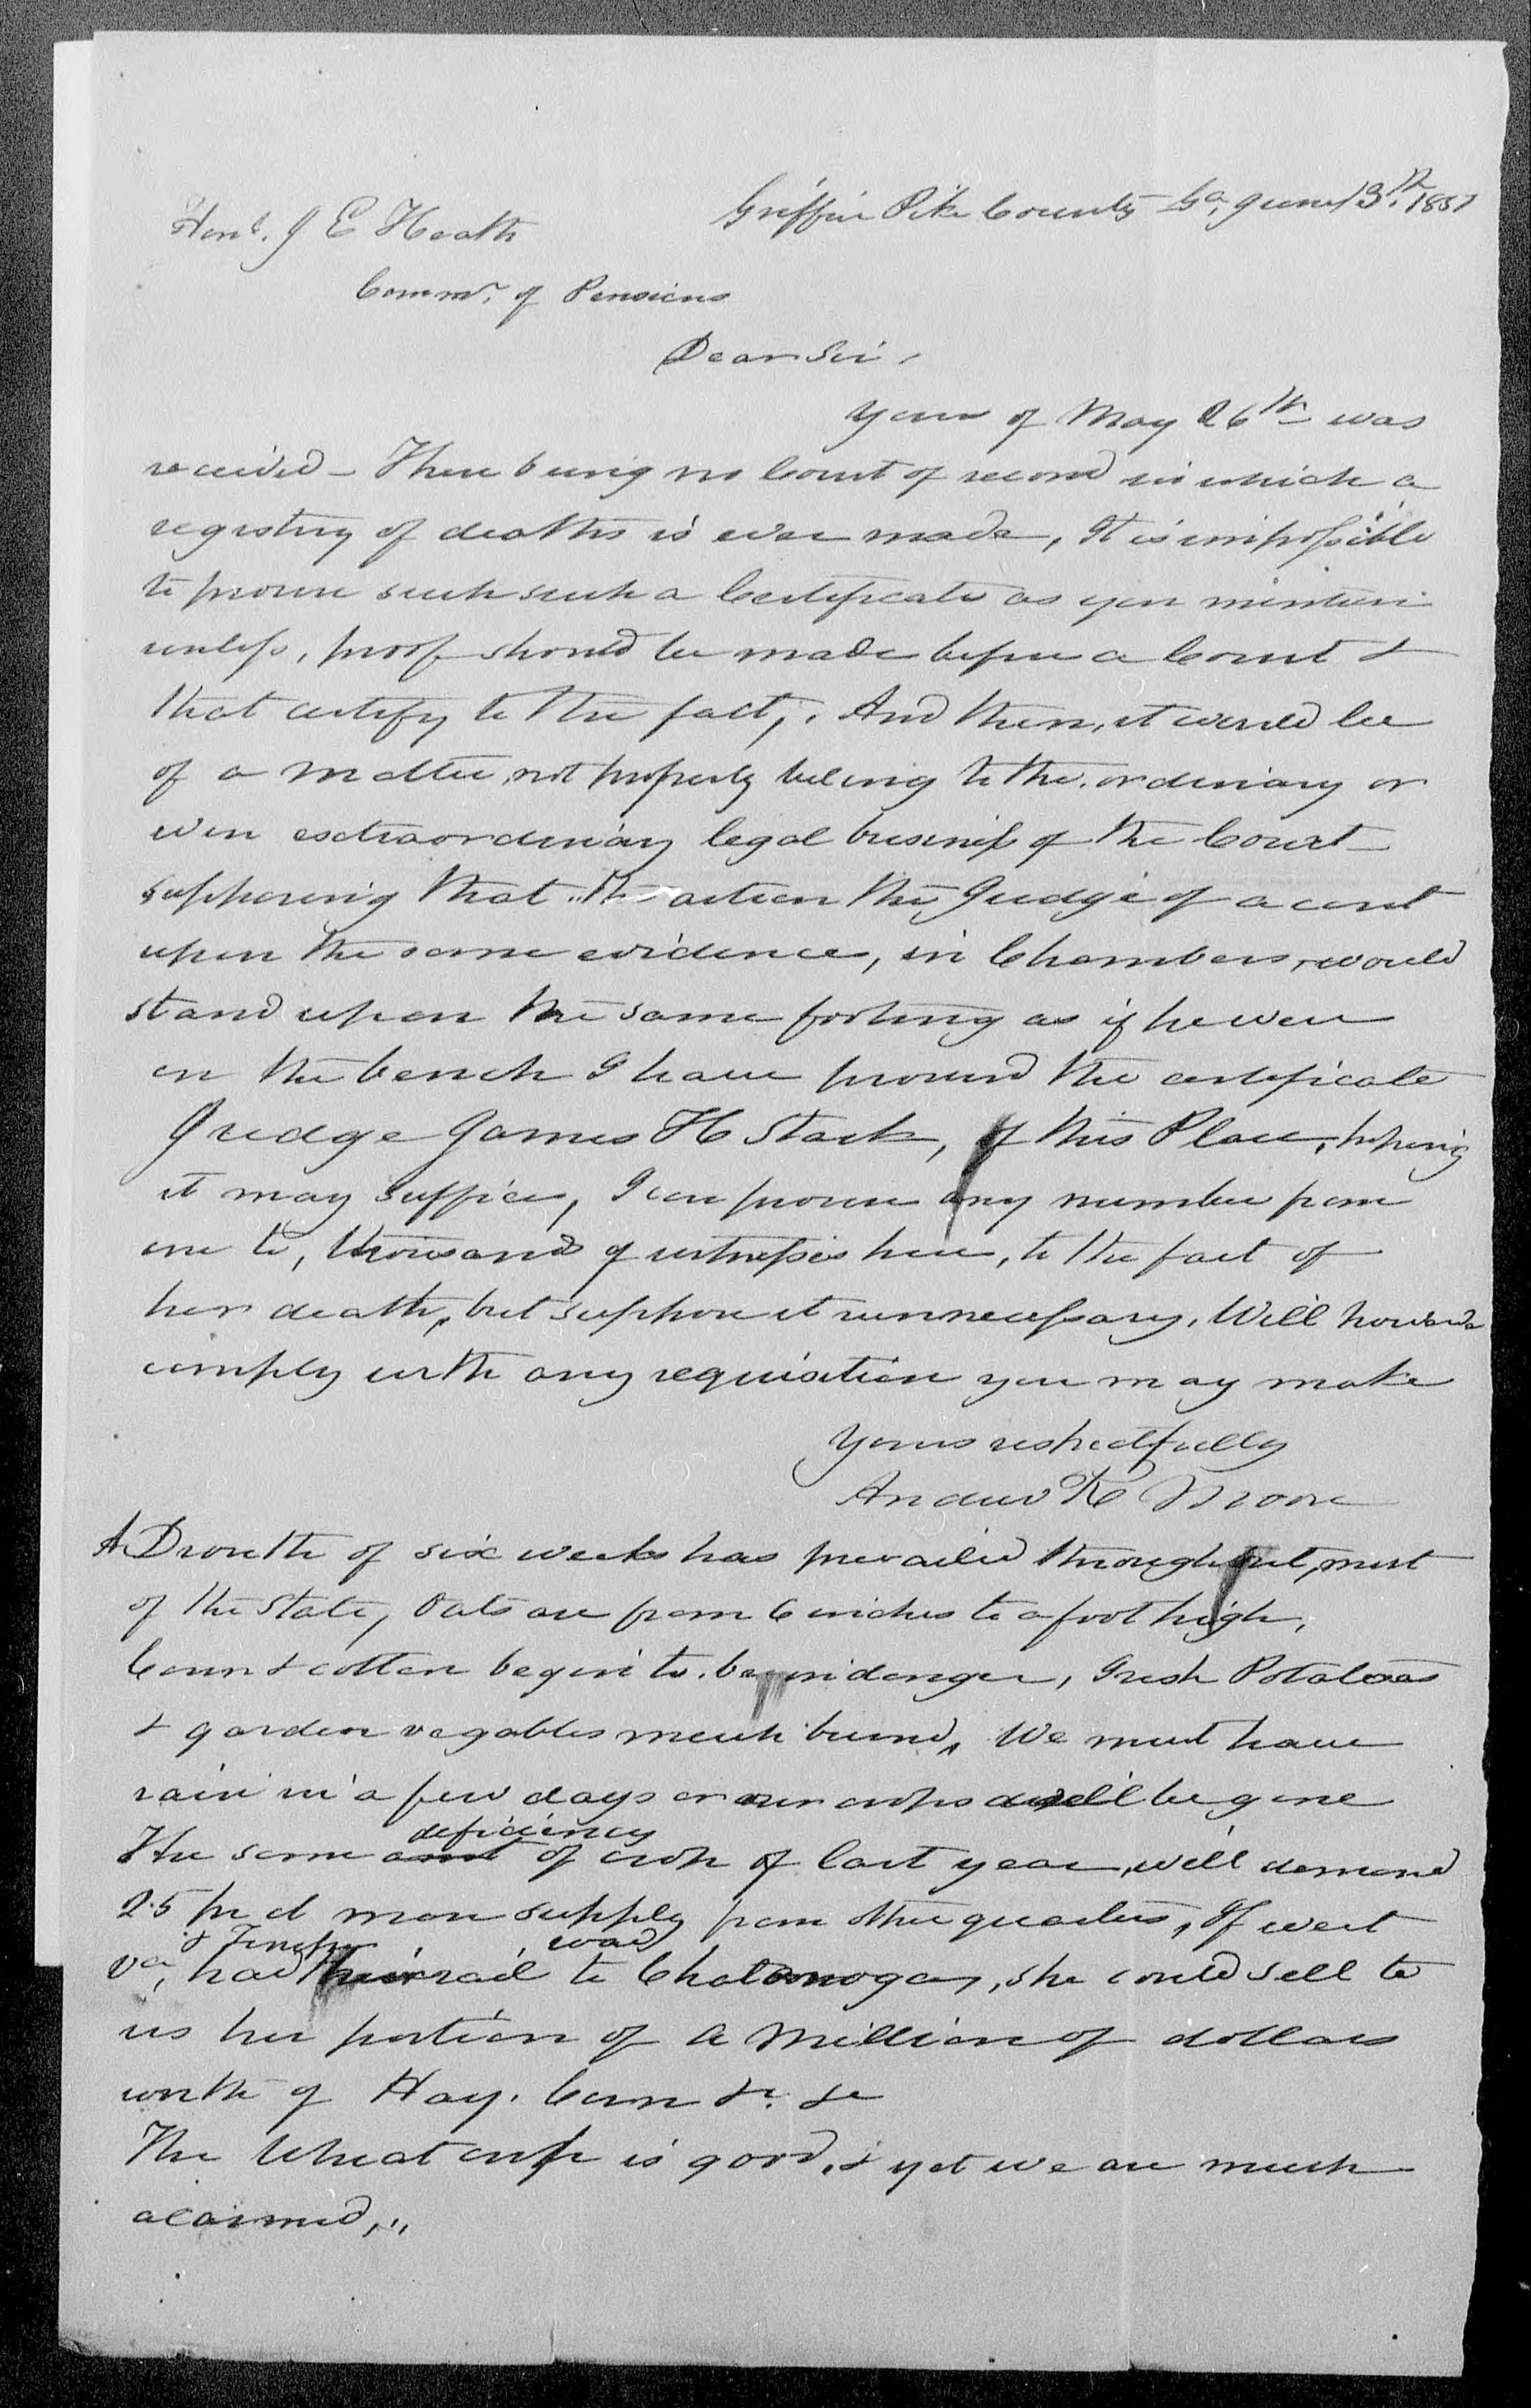Griffin, Pike County, Ga June 3d 1837

Hon J E Heath
Commissioner of Pensions

Dear Sir,

Yours of May 26th was received. There being no Court of record in which a registry of death is ever made, it is impossible to prove such a Certificate as you mention unless, proof should be made before a Court & that certify to the fact. And then, it would be of a matter not properly being to the ordinary or
was extraordinary legal business of the Court supposing that the action the Judge of a court upon the same evidence, in Chambers, would stand upon the same footing as if he were
on the bench. I have provided the certificate of Judge James H Stack, of this place, hoping it may suffice. I furnish any number from one to a thousand of witnesses here, to the fact of her death, but suppose it unnecessary. We will comply with any requisition you may make.
Yours respectfully,
Andrew K Moore


Drought of six weeks has prevailed through most of the State, Oats are from 6 inches to a foot high,
corn & cotton begin to be in danger, Irish Potatoes & garden vegetables much ---- We must have rain in a few days, or our crops will be gone.  The same deficiency of crop of last year, will demand
and more supply from the quarters, of west Virginia or to Chattanooga could sell to us her portion of a Million of dollars with of Hay Corn & the wheat is good, & yet we are much alarmed,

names: J E Heath, James H Stark, Andrew R Moore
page: 58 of 73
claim: widow's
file: W. 5,894, John Cash, Va.